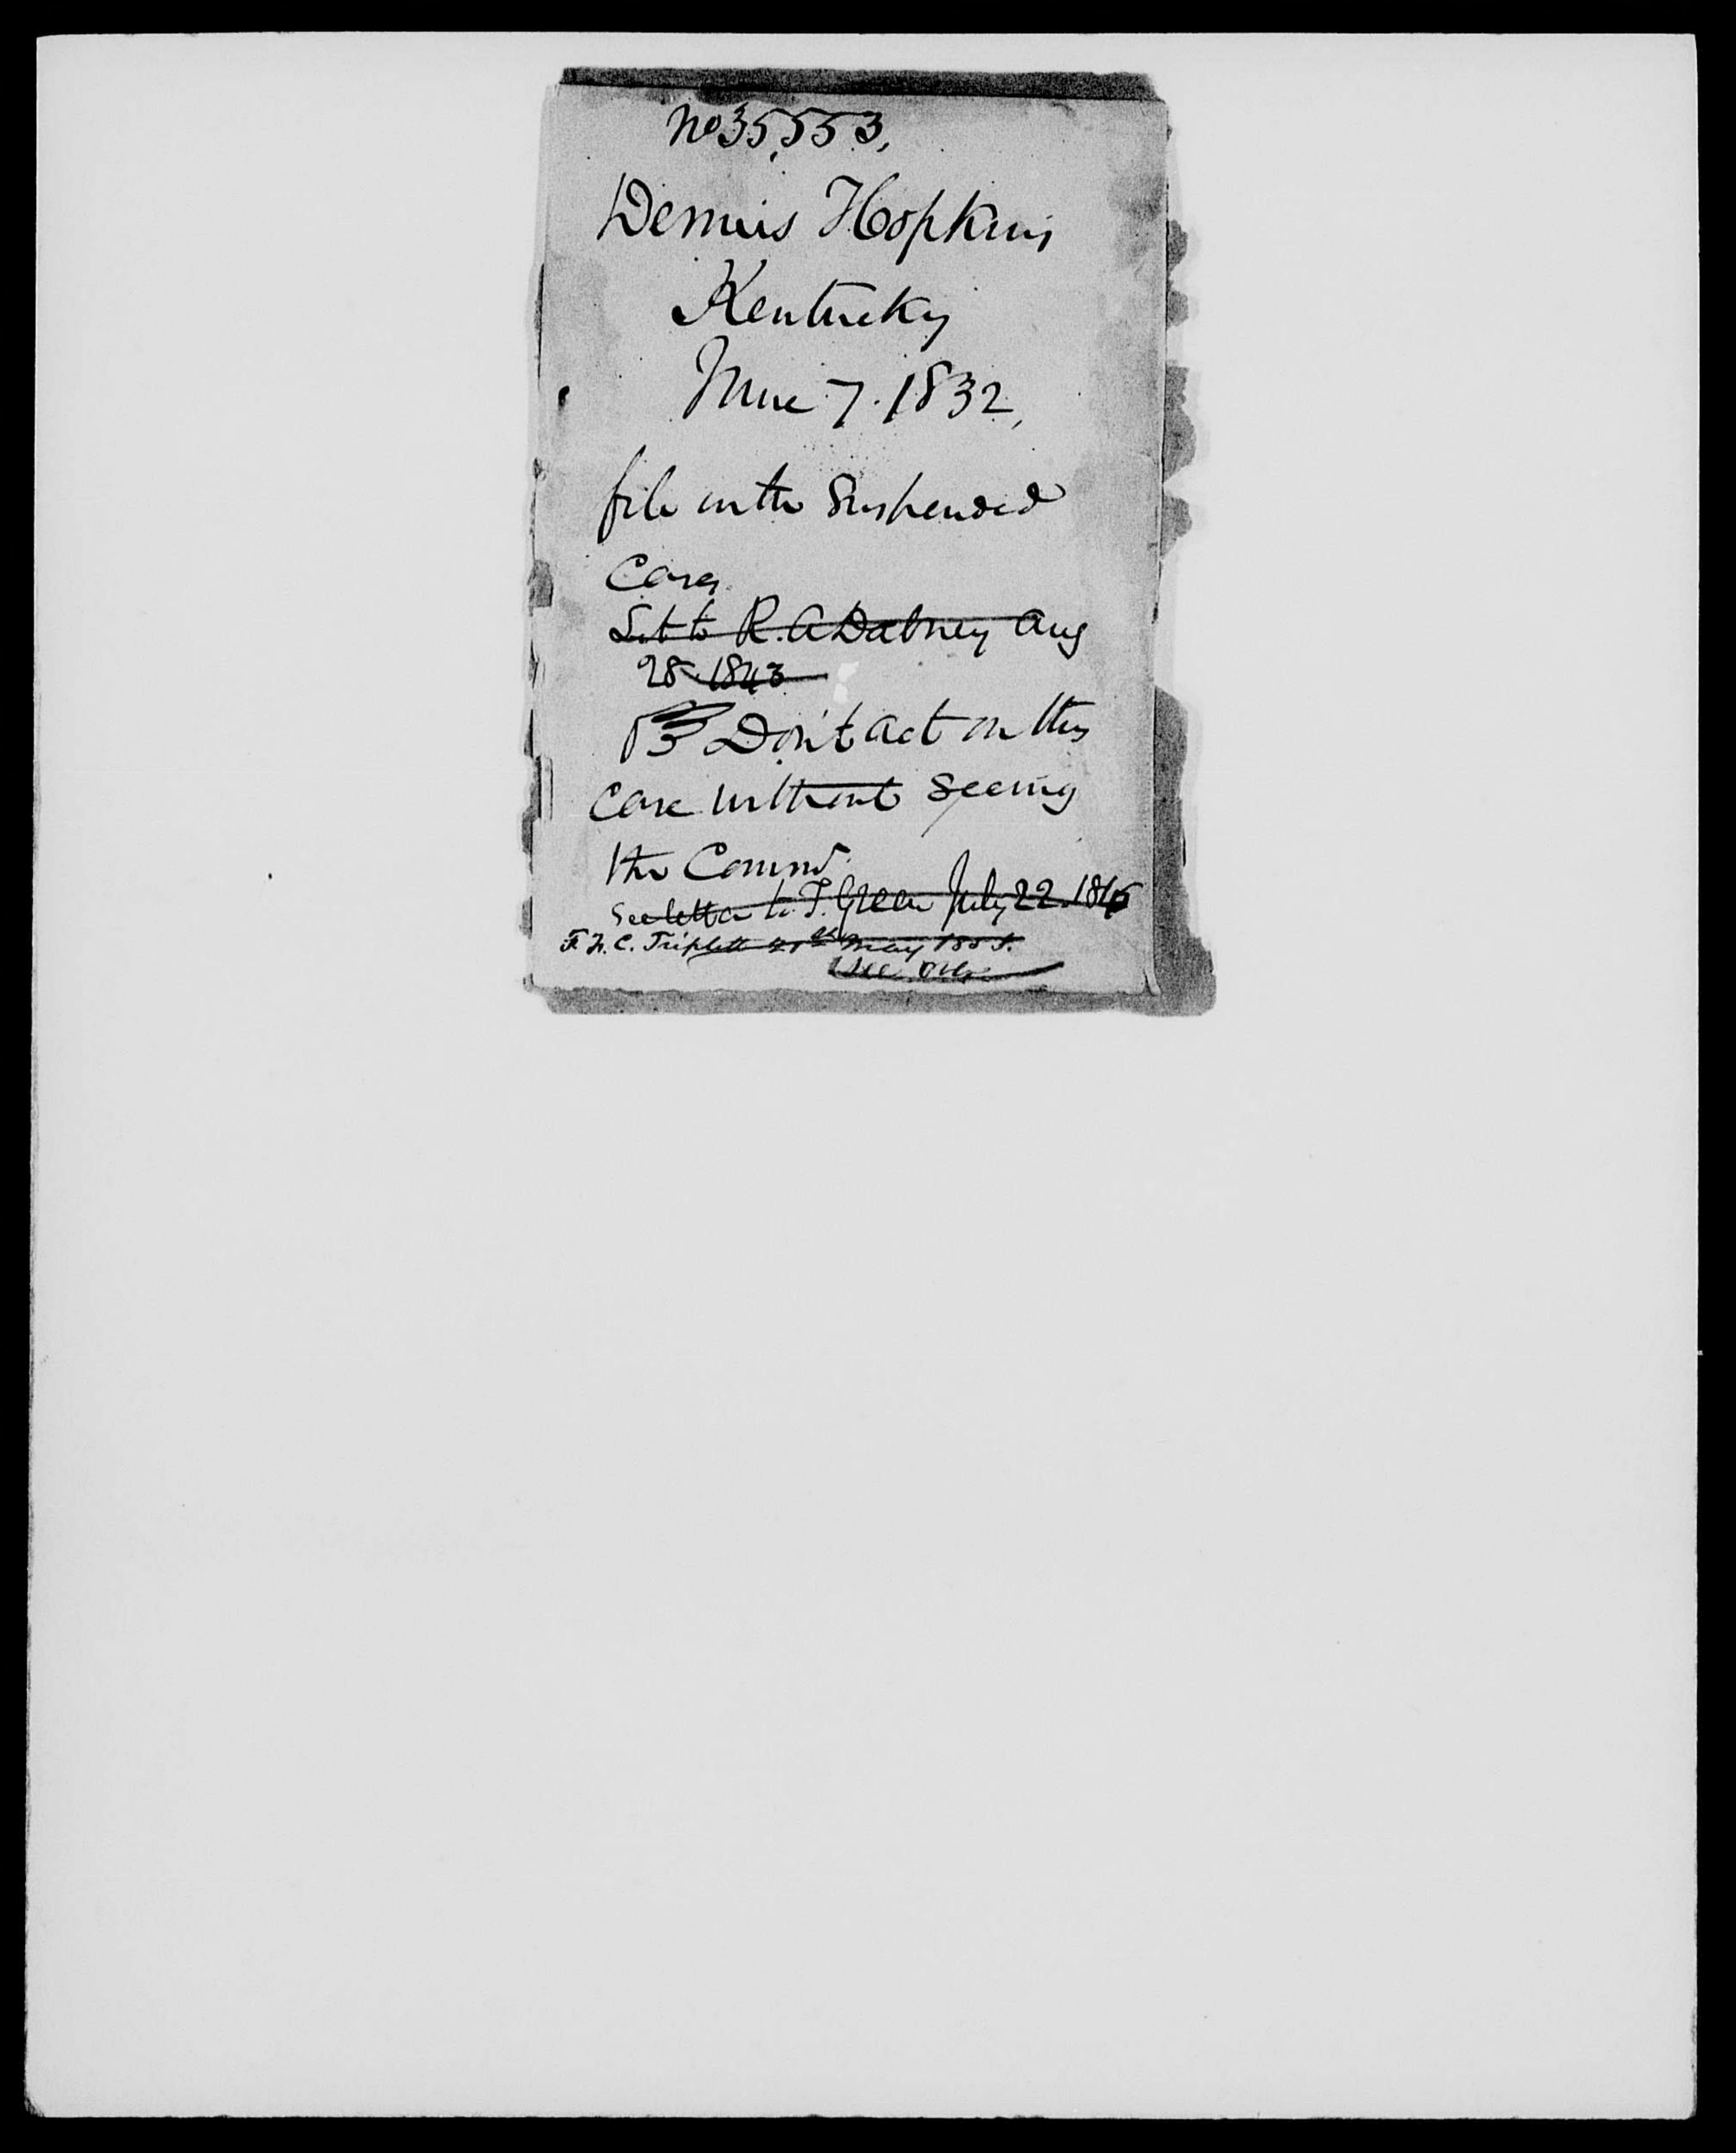No 35553,
Dennis Hopkins
Kentucky
June 7, 1832
file with suspended case
[crossed out] Sent to R. A. Dabney Aug 28 1843

Don't act [illegible] case without seeing
the Commr.
[crossed out] see letter to S. Green July 22, 1845
F.F.C. Triplett [crossed out] 27th May 1851
[crossed out] see over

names: F F C Triplett, R A Dabney, Dennis Hopkins, T Green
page: 16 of 144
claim: rejected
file: R. 5208, Dennis Hopkins, N.C.